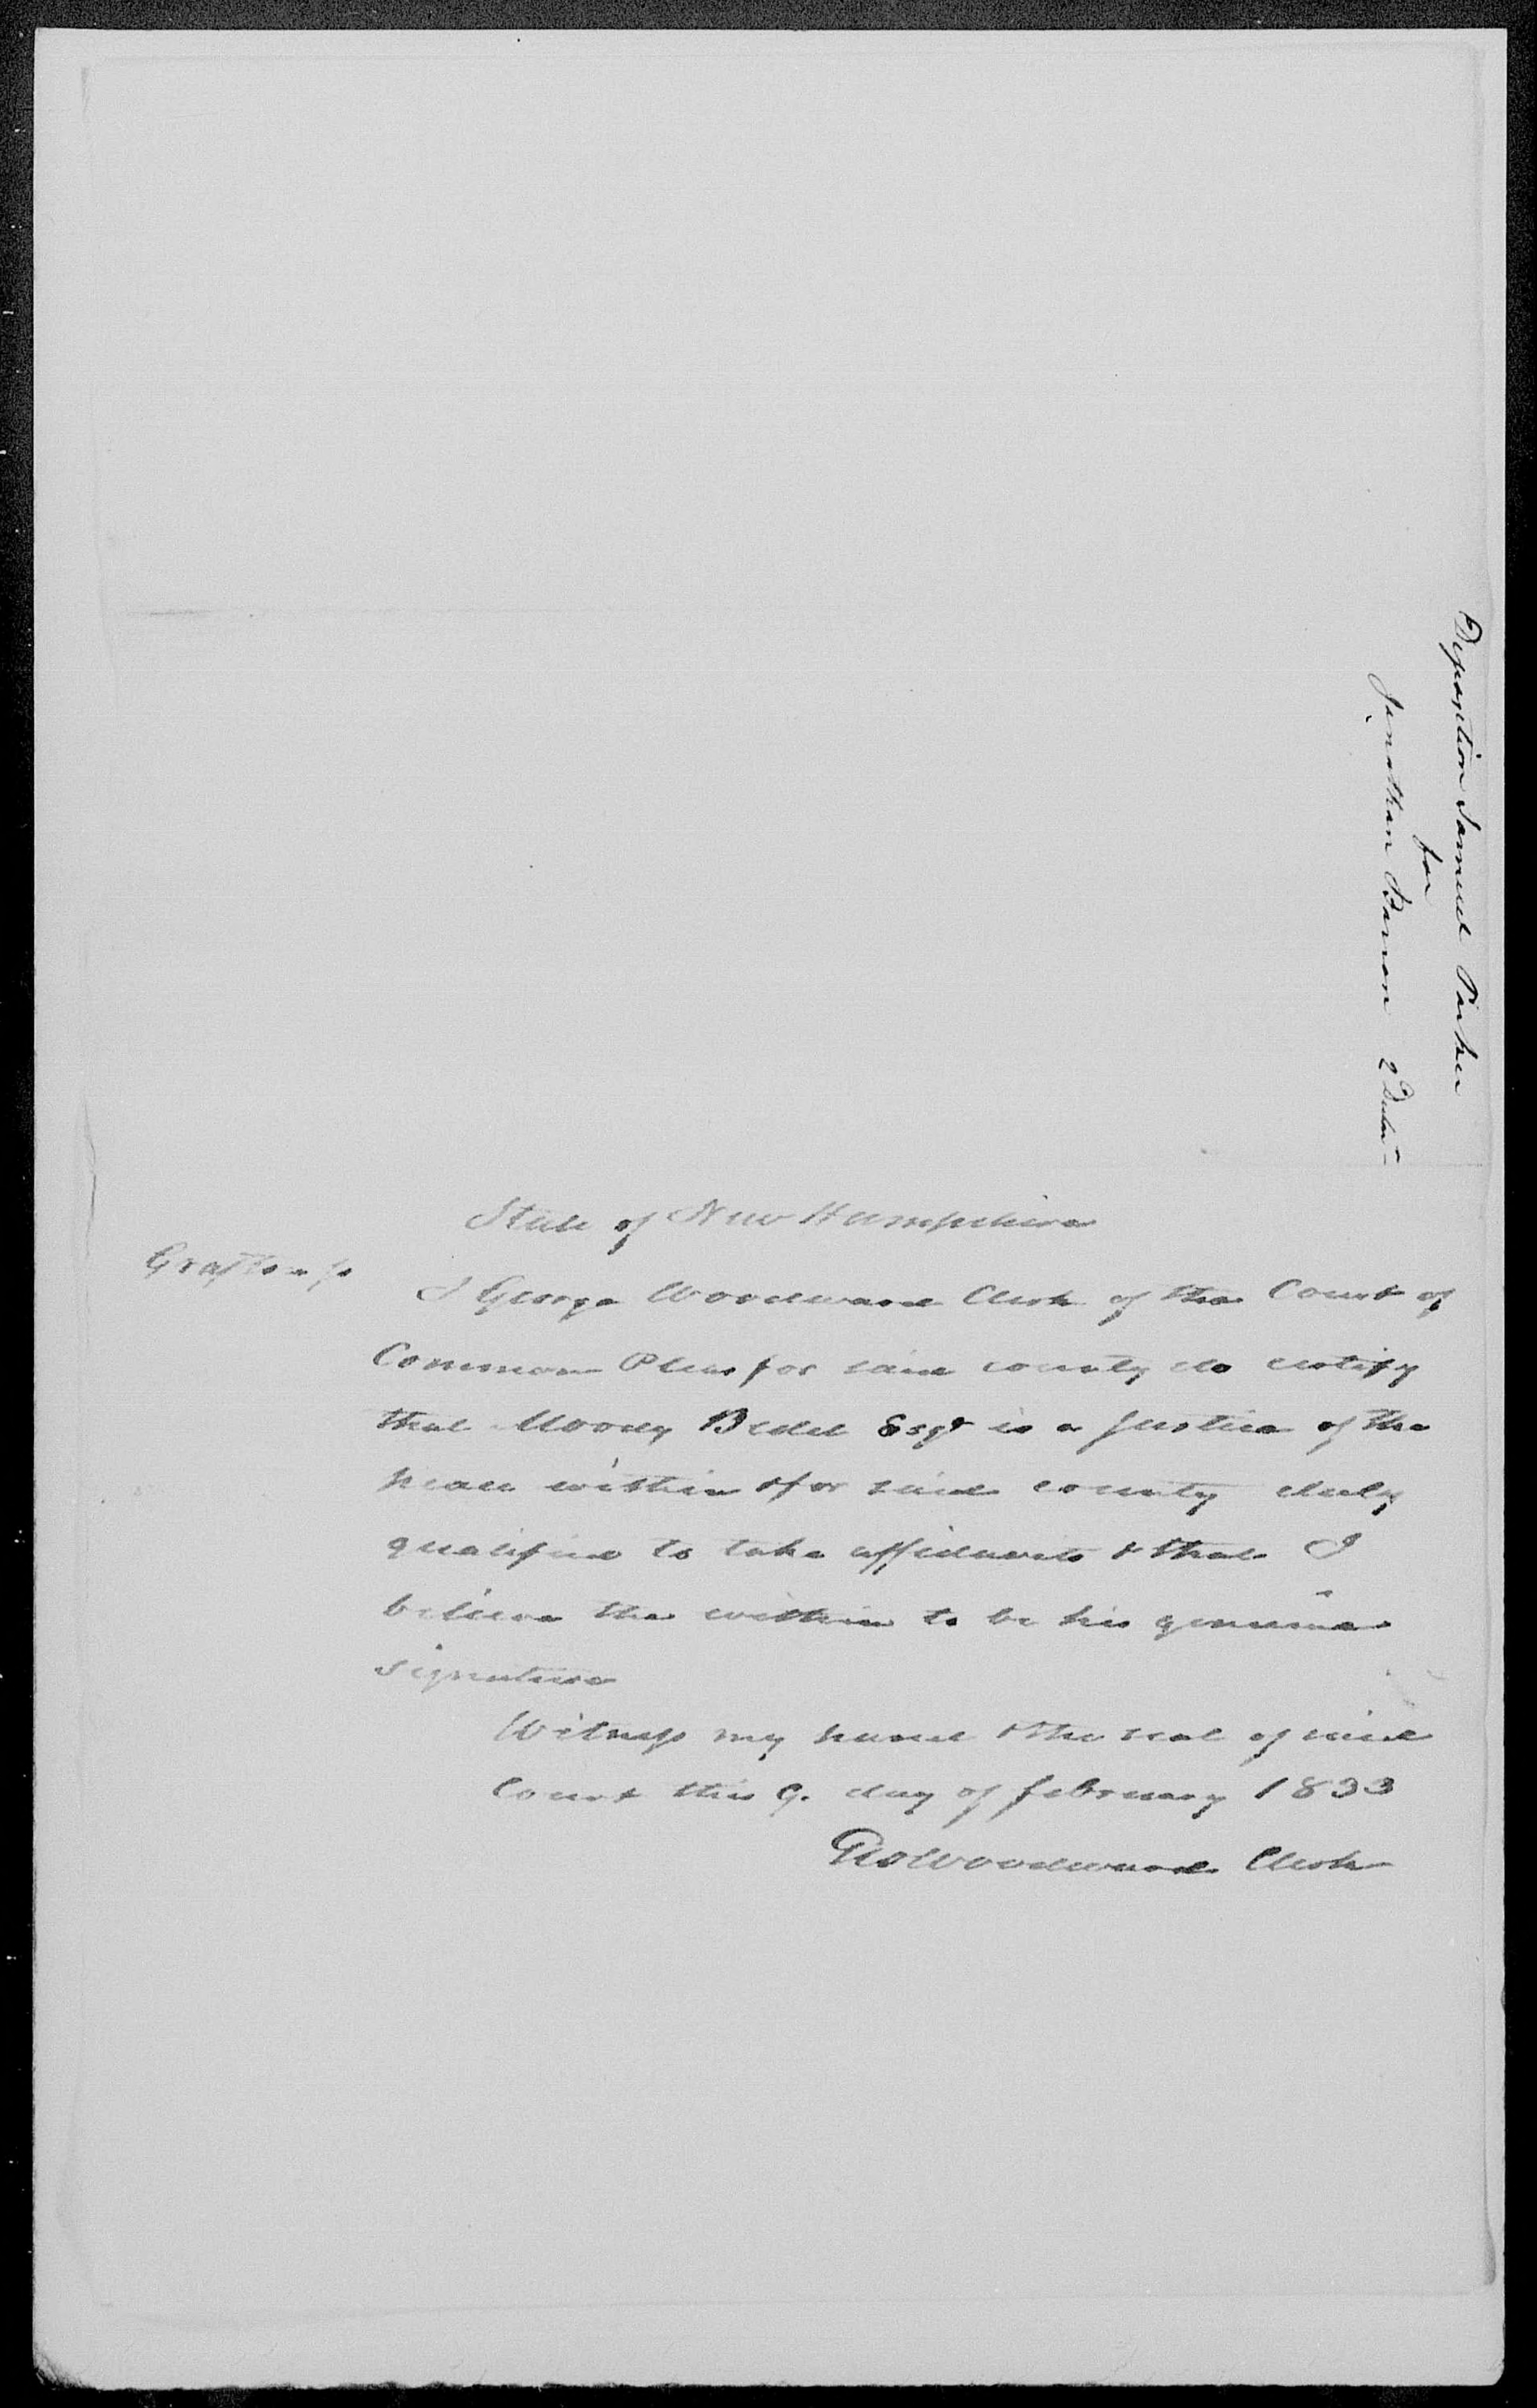[written vertically on right side of page]
Deposition Samuel Parker
for
Jonathan Barron   2d Declar'n


State of New Hampshire
Grafton  fs.

I George Woodward Clerk of the Court of Common Pleas for said county do certify that Moody Bedel Esqr is a Justice of the peace within & for said county duly qualified to take affidavits & that I believe the within to be his genuine signature

Witnefs my hand & the seal of said Court this 9 day of February 1833
Geo Woodward  Clerk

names: Geo Woodward, Moody Bedel, George Woodward, Jonathan Barron, Samuel Baker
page: 25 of 25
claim: survivor's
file: S. 28986, Jonathan Barron, N.H.